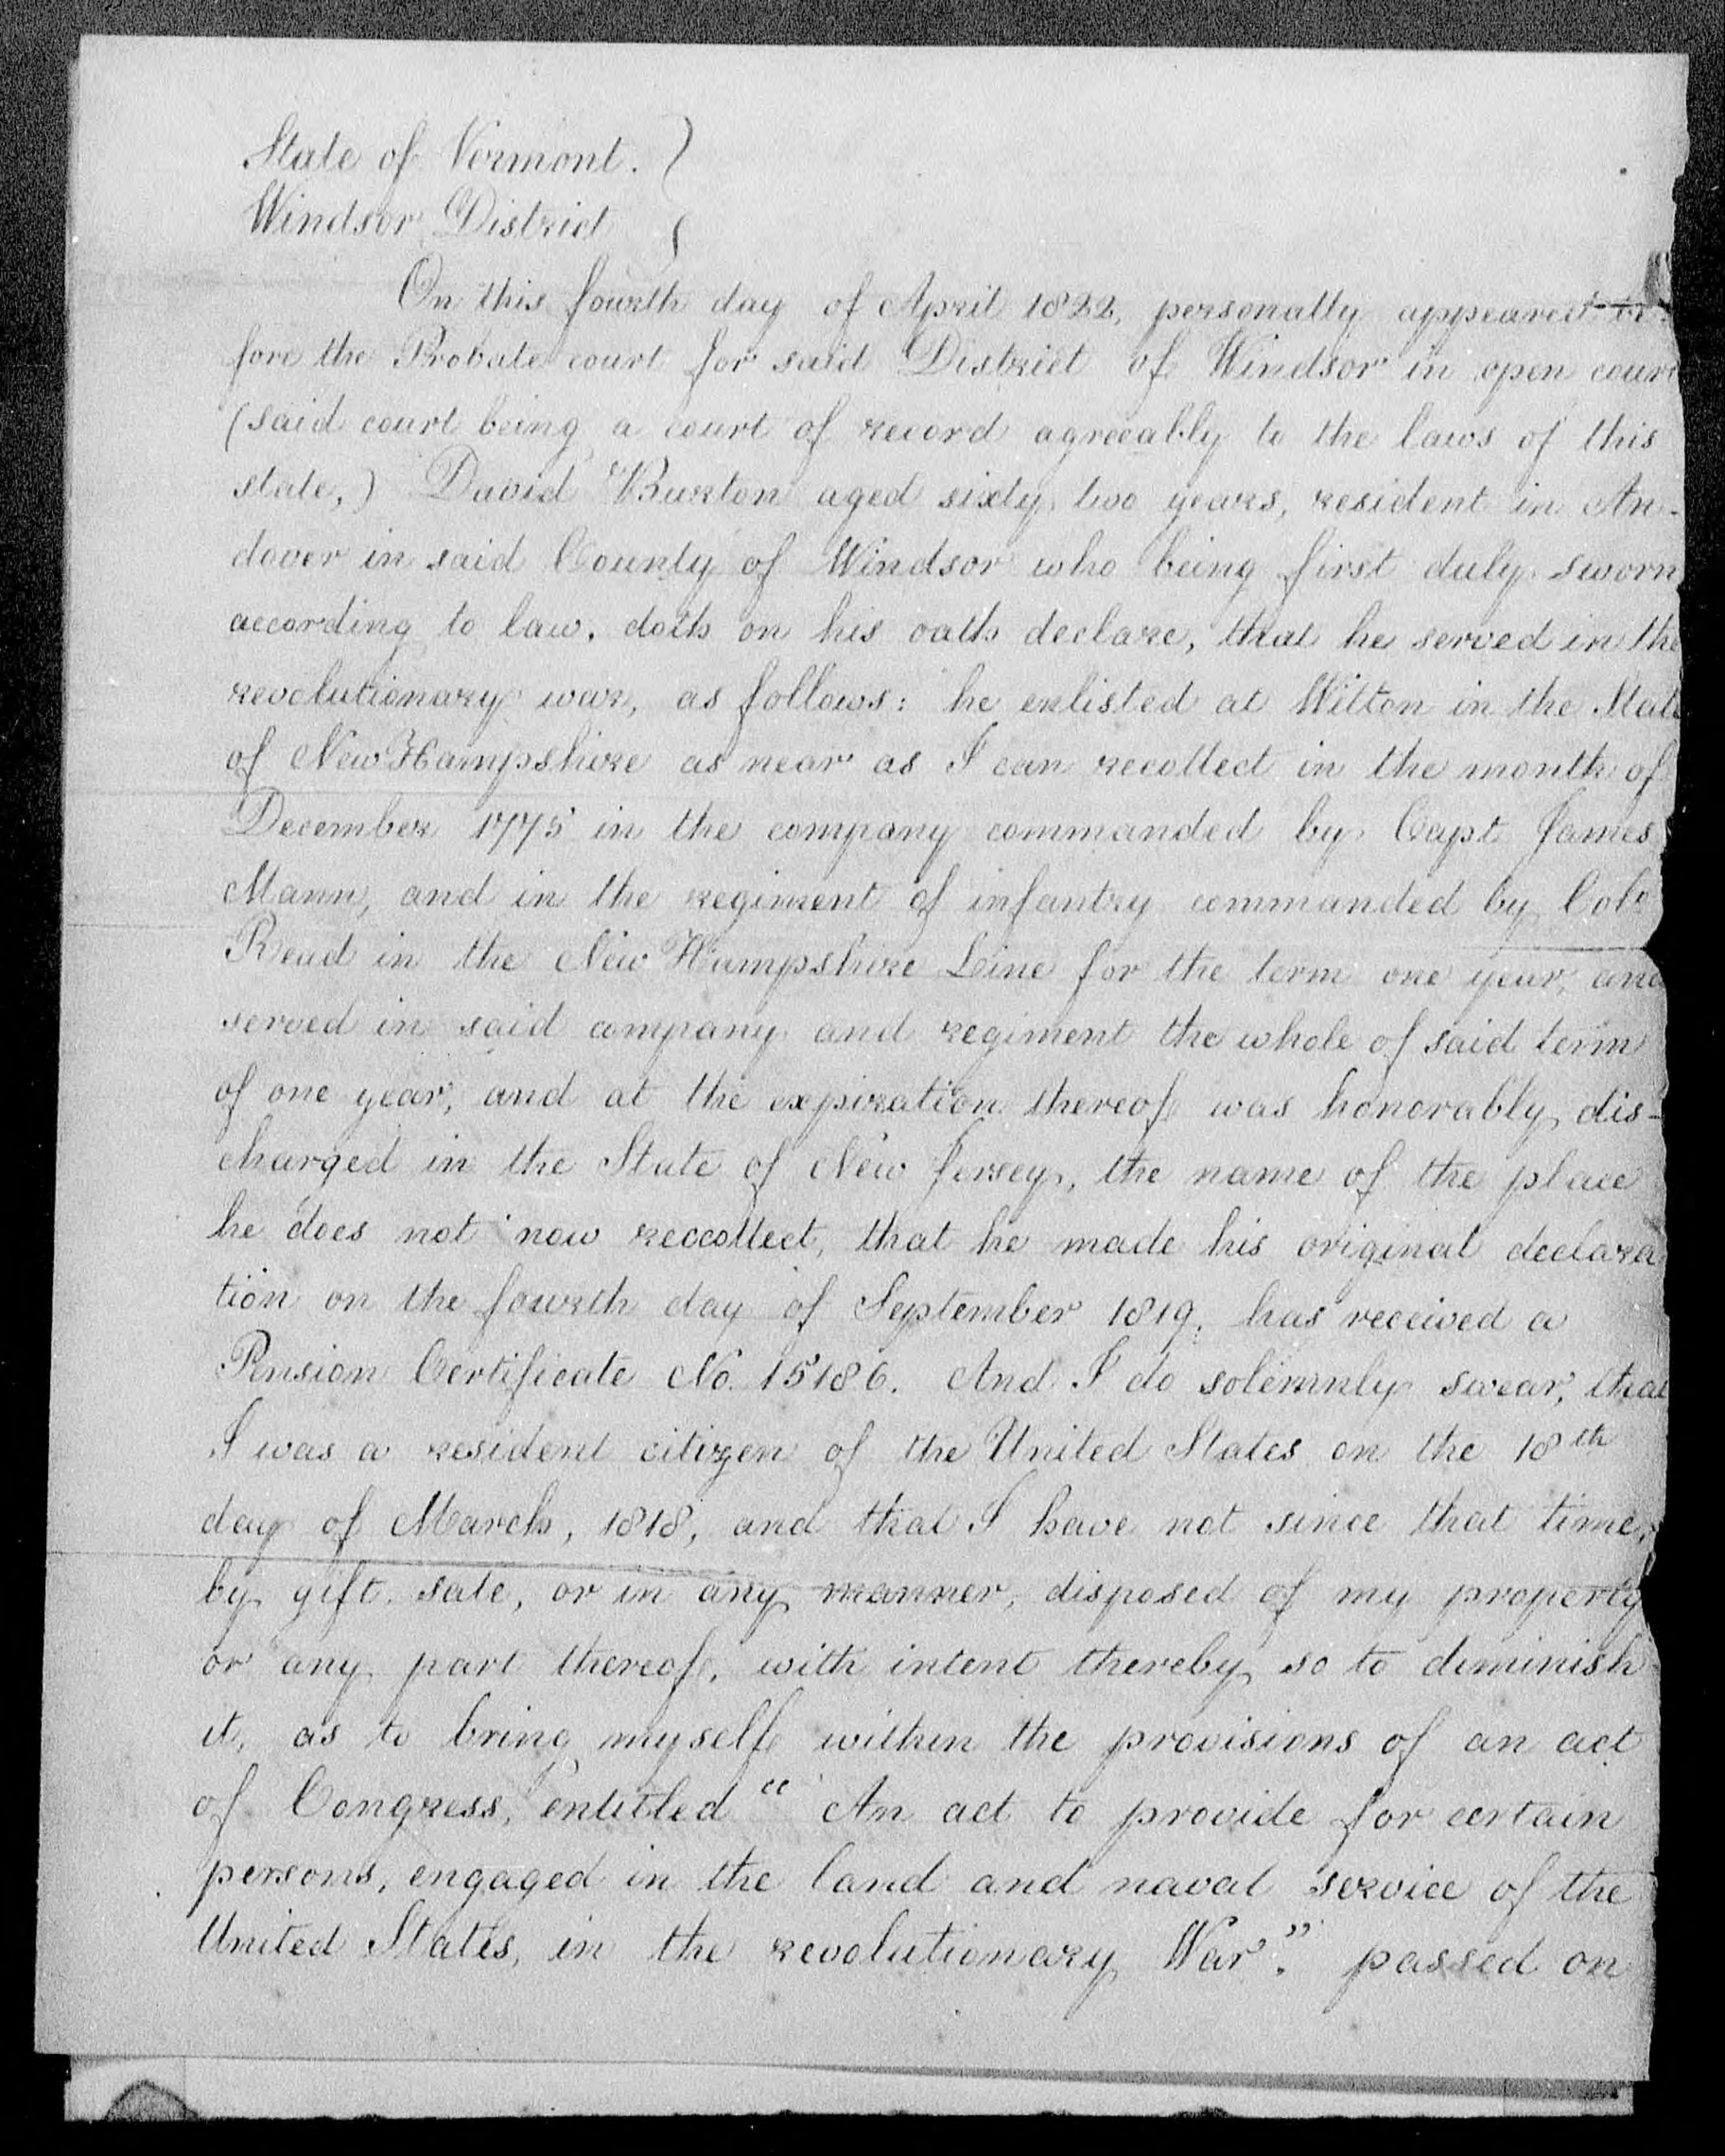State of Vermont 
Windsor District }
On this fourth day of April 1822, personally appeared before the Probate court for said District of Windsor in open court (said court being a Court of record agreeably to the laws of this state,) David Burton aged sixty two years, resident in Andover in said County of Windsor who being first duly sworn according to law, doth on his oath declare, that he served in the revolutionary war, as follows: he enlisted at Wilton in the State of New Hampshire as near as I can recollect in the month of December 1775 in the company commanded by Capt James Mann, and in the regiment of infantry commanded by Colo Read in the New Hampshire Line for the term one year, and served in said company and regiment the whole of said term of one year, and at the expiration thereof was honorably discharged in the State of New Jersey, the name of the place he does not now recollect, that he made his original declaration on the fourth day of September 1819, has received a Pension Certificate No. 15186.  And I do solemnly swear, that I was a resident citizen of the United States on the 18th day of March, 1818, and that I have not since that time by gift, sale, or in any manner, disposed of my property or any part thereof, with intent thereby so to diminish it, as to bring myself within the provisions of an act of Congress, entitled "An act to provide for certain persons, engaged in the land and naval service of the United States, in the revolutionary War," passed on  [end of page]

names: James Mann, David Burton, Reed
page: 10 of 18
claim: survivor's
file: S. 40773, David Burton, N.H.